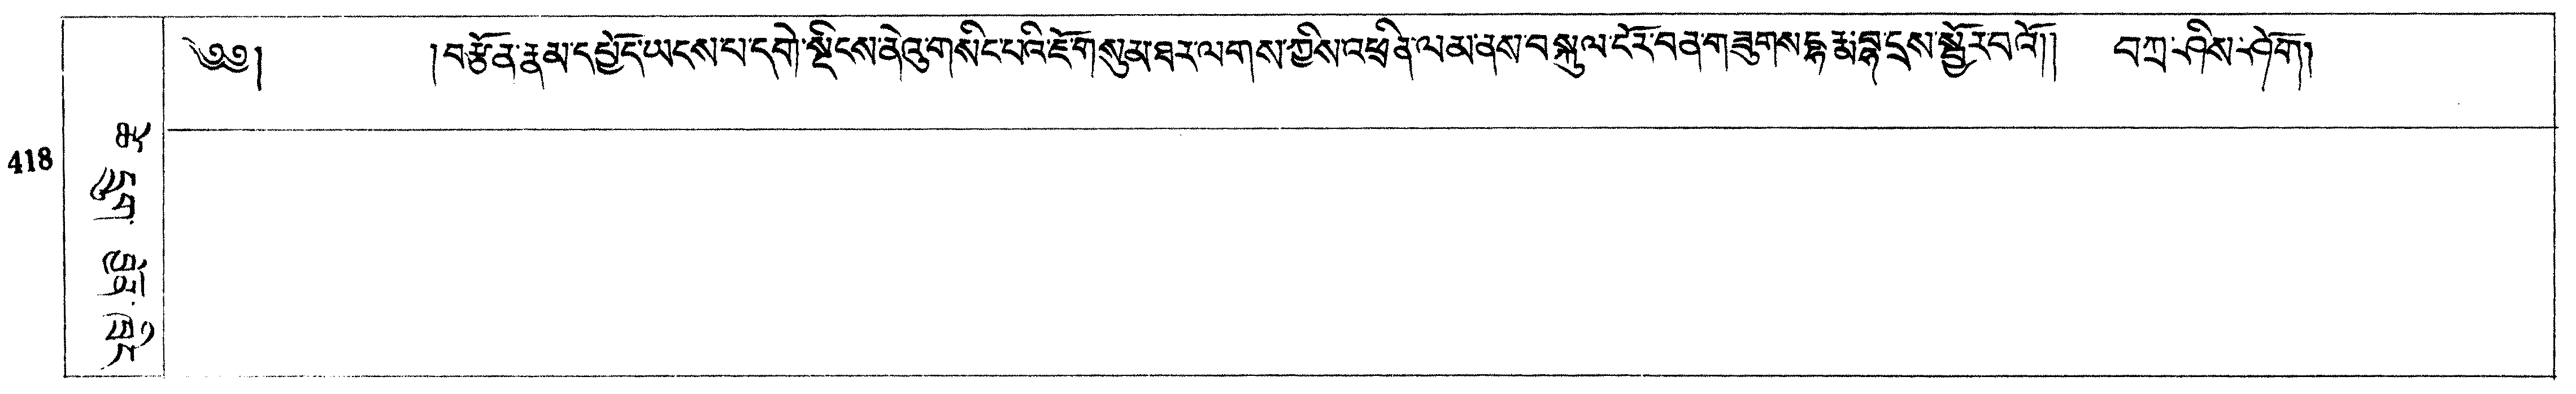༄༅། །བརྩོན་རྣམ་དཔྱོད་ཡངས་པ་དགེ་སྡིངས་ནེའུ་གསིང་པའི་ཇོ་གསུམ་ཐར་ལགས་ཀྱིས་འཕྲིན་ལམ་ནས་བསྐུལ་ངོར་བན་གཟུགས་དྷ་རྨ་བྷ་དྲས་སྦྱོར་བའོ།། བཀྲ་ཤིས་ཤོག།